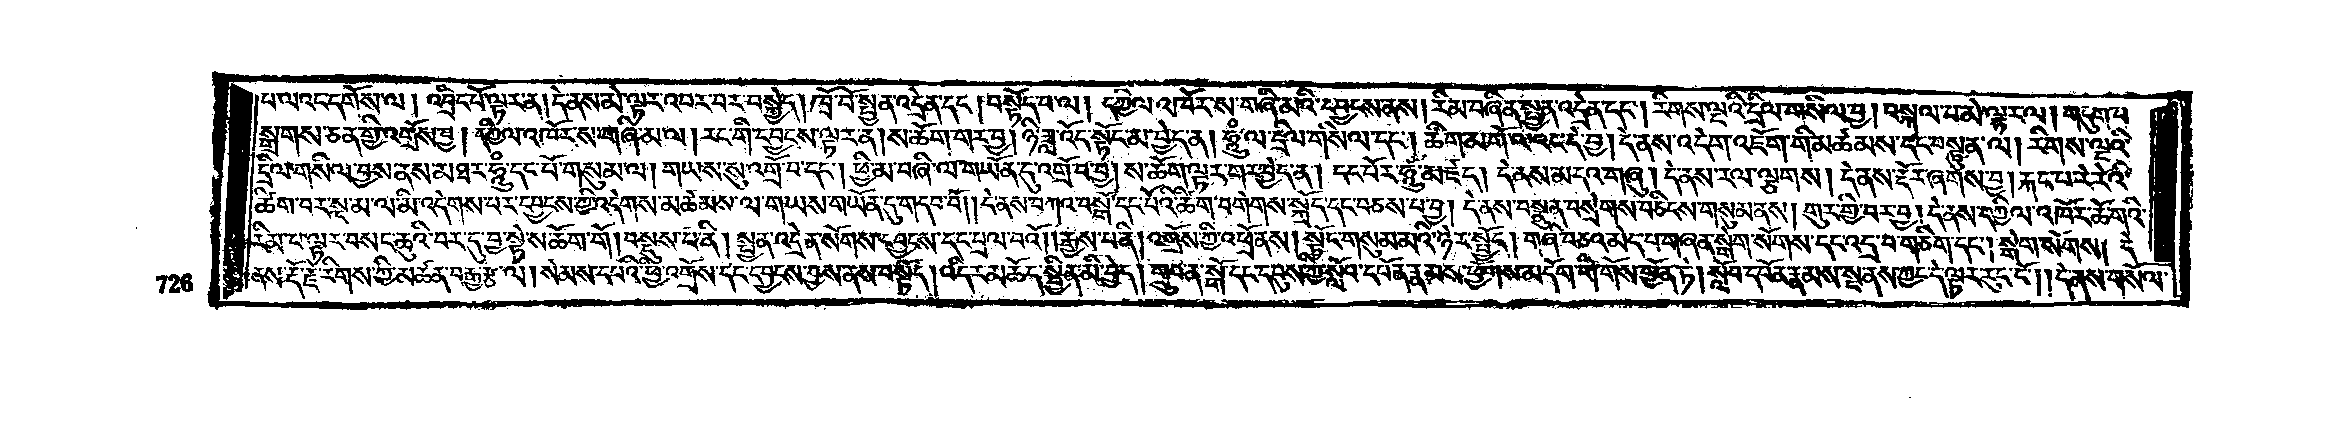པ་ལའང་དགོས་ལ། འབྲིང་པོ་ལྟར་ན། དེ་ནས་མེ་ལྟར་འབར་བར་བསྐྱེད། ཁྲོ་བོ་སྤྱན་འདྲེན་དང་། བསྟོད་པ་ལ། དཀྱིལ་འཁོར་ས་གཞི་མའི་དབྱངས་ནས། རིམ་བཞིན་སྤྱན་འདྲེན་དང་། རིགས་ལྔའི་དྲིལ་གསིལ་བྱ། བསྐལ་པ་མེ་ལྟར་ལ། གདུག་པ་
སྒྲགས་ཅན་གྱི་འགྲོས་བྱ། དཀྱིལ་འཁོར་ས་གཞི་མ་ལ། རང་གི་དབྱངས་ལྟར་ན། ས་ཆོག་གར་བྱ། ཉི་ཟླ་འོད་སྟོང་མ་བྱེད་ན། ཧཱུཾ་ལ་དྲིལ་གསིལ་དང་། ཚིག་མགོ་ལའང་དེ་བྱ། དེ་ནས་འདེག་འཇོག་གི་མཚམས་དང་བསྟུན་ལ། རིགས་ལྔའི་
དྲིལ་གསིལ་བྱས་ནས་མཐར་ཧཱུཾ་དང་པོ་གསུམ་ལ། གཡས་སུ་འགྲོ་བ་དང་། ཕྱི་མ་བཞི་ལ་གཡོན་དུ་འགྲོ་བ་བྱ། ས་ཆོག་ལྟར་གར་བྱེད་ན། དང་པོར་ཧཱུཾ་མཛད། དེ་ནས་མདའ་གཞུ། དེ་ནས་རལ་ལྕགས། དེ་ནས་རྡོར་ཞགས་བྱ། རྐང་པ་རེ་རེའི་
ཚིག་བར་སྔ་མ་ལ་མི་འདེགས་པར་དབྱངས་ཀྱི་འདེགས་མཚམས་ལ་གཡས་གཡོན་དུ་གདབ་བོ། །དེ་ནས་བཀའ་བསྒོ་དང་པོའི་ཚིག་བགེགས་སྐྲོད་དང་བཅས་པ་བྱ། དེ་ནས་བསྣུན་བསྲེགས་བཅིངས་གསུམ་ནས། གུར་གྱི་བར་བྱ། དེ་ནས་དཀྱིལ་འཁོར་ཆོ་གའི་
རིམ་པ་ལྟར་བསང་ཆུའི་བར་དུ་བྱ་སྟེ་ས་ཆོག་གོ །བསྡུས་པ་ནི། སྤྱན་འདྲེན་སོགས་དབྱངས་དང་བྲལ་བའོ། །རྒྱས་པ་ནི། འགྲོས་ཀྱི་འཕྲོ་ནས། སྟོང་གསུམ་མའི་ཉེར་སྤྱོད། གཞི་བཅའ་མེད་པ་གཞན་སྒེག་སོགས་དང་འདྲ་བ་གཅིག་དང་། སྒེག་སོགས། དེ་
ནས་རྡོ་རྗེ་རིགས་ཀྱི་མཚན་བརྒྱ་རྩ་ལ། སེམས་དཔའི་ཕྱི་འགྲོས་དང་དབྱངས་བྱས་ནས་བསྟོད། འདིར་མཆོད་སྦྱིན་མི་བྱེད། གྲུབ་ན་སྒོ་དང་དབུས་ཀྱི་སློབ་དཔོན་རྣམས་ཕྱོགས་མདོག་གི་གོས་གྱོན་ཏེ། སློབ་དཔོན་རྣམས་སྔ་ནས་ཀྱང་དེ་ལྟར་རུང་ངོ། །དེ་ནས་གསོལ་